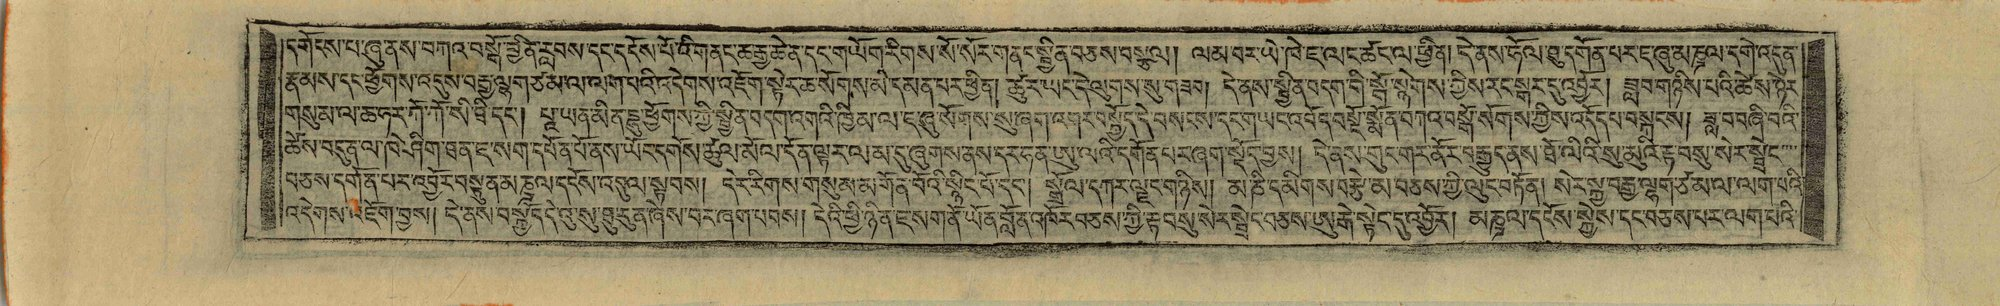དགོངས་པ་ཞུ་ནས་བཀའ་བསྒོ་བྱིན་རླབས་དང་དངོས་པོའི་གནང་ཆ་རྒྱ་ཆེན་དང་གཡོག་རིགས་སོ་སོར་གནང་སྦྱིན་བཅས་བསྩལ། ལམ་བར་ཡེ་ཁེ་ཇ་ལང་ཚང་ལ་ཕྱིན། དེ་ནས་ཧོལ་ཐུ་དགོན་པར་ཇ་ཞུ་མཎྜལ་དགེ་འདུན་
རྣམས་དང་ཕྱོགས་འདུས་བརྒྱ་ལྷག་ཙམ་ལ་ལག་པའི་འདེགས་འཇོག་སྟེར་ཆ་སོགས་མི་དམན་པར་ཕྱིན། ཚུར་ཡང་དེ་ལུགས་སུ་གཟབ། དེ་ནས་སྦྱིན་བདག་གི་སྒོ་སྙེགས་ཀྱིས་རང་སྒར་དུ་འབྱོར། ཟླ་བ་གཉིས་པའི་ཚེས་ཉེར་
གསུམ་ལ་ཆ་ཧར་ཀོ་ཀོ་སི་ཐི་དང་། པཱ་ཡན་མིན་དྷུ་ཕྱོགས་ཀྱི་སྦྱིན་བདག་འགའི་ཁྱིམ་ལ་ཇ་ཞུ་སོགས་སུ་ཞག་འགར་བསྐྱོད་དེ་བསངས་དང་གཡང་འབོད་བསྔོ་སྨོན་བཀའ་བསྒོ་སོགས་ཀྱིས་འདོད་པ་བསྐངས། ཟླ་བ་བཞི་བའི་
ཚེས་བདུན་ལ་ཁེ་ཤིག་ཐན་ཇ་སག་དཔོན་པོ་ནས་ཡོང་དགོས་ཚུལ་མོལ་དོན་ལྟར་ལམ་དུ་ཞུགས་ནས་དར་ཧན་ཨུ་ལའི་དགོན་པར་ཞག་སྡོད་བྱས། དེ་ནས་གུང་གར་ནོར་བརྒྱུད་ནས་ཐོ་ལིའི་སུ་མུའི་རྟ་བསུ་སེར་སྦྲེང་
བཅས་དགོན་པར་འབྱོར་བསྟུན་མཎྜལ་དངོས་འབུལ་སྟབས། དེར་རིགས་གསུམ་མགོན་པོའི་སྙིང་པོ་དང་། སྒྲོལ་དཀར་ལྗང་གཉིས། མ་ཎི་དམིགས་བརྩེ་མ་བཅས་ཀྱི་ལུང་བཏོན། སེར་སྐྱ་བརྒྱ་ལྷག་ཙམ་ལ་ལག་པའི་
འདེགས་འཇོག་བྱས། དེ་ནས་བསྐྱོད་དེ་འུ་སུ་ཐུ་རུ་ན་ཞེས་བར་ཞག་བབས། དེའི་ཕྱི་ཉིན་ཇ་སག་ནོ་ཡོན་བློན་འཁོར་བཅས་ཀྱི་རྟབས་སུ་སེར་སྦྲེང་བཅས་ཨུརྒེ་སྟེང་དུ་འབྱོར། མཎྜལ་དངོས་སྐྱེས་དང་བཅས་པར་ལག་པའི་